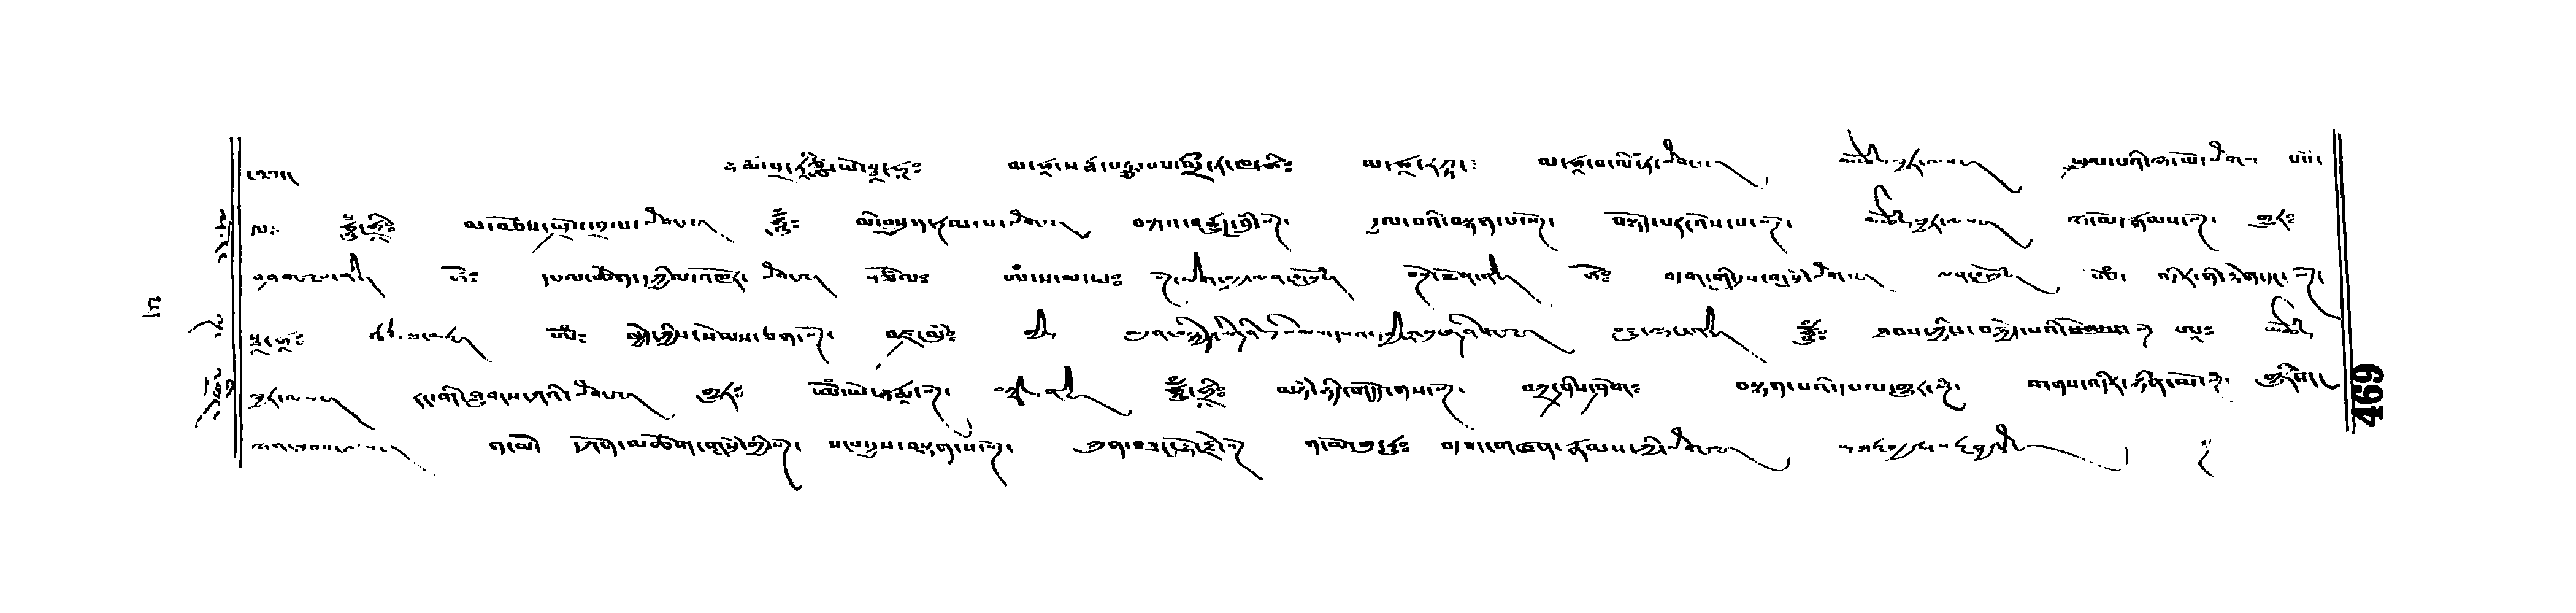དྷརྨ་པ་ཏཱིཙྪ་ཡེ་སྭཱ་ཧཱཿ མ་ཧཱ་སརྦ་པཉྩ་ཨ་མྲྀ་ཏ་ཁ་ཧིཿ མ་ཧཱ་རཀྟ༴ མ་ཧཱ་བ་ལིཾ་ཏ་སོགས། མཚམས་སྦྱར་ལས། སྤྲུལ་པའི་ལྷ་མོ་སོགས། བས་
ལ༔ ཧཱུྃ་ཧྲཱི༔ མ་བཅོས་སྤྲོས་བྲལ་སོགས། ཧཱུྃ༔ མི་བསྲུན་རྔམ་པ་སོགས། བཀའ་བརྒྱུད་བླ་མ་སོགས། རྒྱལ་བའི་བསྟན་པ་སོགས། བསྟོད་པར་འོས་པ་སོགས། མཚམས་སྦྱར་ལས། ལྷ་མོ་རྣམས་སོགས། གྱུར༔ 
བཤགས་པ་ནི། ཧོ༔ དཔལ་ཆེན་དཀྱིལ་འཁོར་སོགས། སྩོལ༔ ཨོཾ་ས་མ་ཡ༔ སོགས་ཡིག་བརྒྱ་ལན་གསུམ། བསྔོ་སྨོན་ནི། ཧོཿ བདག་གི་དུས་གསུམ་སོགས། ལན་གསུམ། ཨོཾ། འདིར་ནི་རྟེན་དང་སོགས། 
སྭཱ་ཧཱ༔ ཉིན་ཐ་མར། ཨོཾ། ཁྱེད་ཀྱིས་སེམས་ཅན་སོགས། བཛྲ་མུྃཿགྱིས་མདུན་བསྐྱེད་ཡེ་ཤེས་སེམས་དཔའ་དབྱིངས་སུ་གཤེགས། བསྡུ་ལྡང་ནི། ཧཱུྃ༔ ཐབས་ཀྱིས་བསྐྱེད་པའི་སེམས་སོགས། ཨཱཿ མཚམས་
སྦྱར་ལས། རང་གི་ཐུགས་ཀའི་སོགས། གྱུར༔ ཨོཾ་ཡེ་དྷརྨཱ་སོགས། བཀྲ་ཤིས་ནི། ཧཱུྃ་ཧྲཱིཿ མཉམ་ཉིད་གདོད་ནས་སོགས། བཀྲ་ཤིས་ཤོག༔ བསྟན་པའི་དཔལ་གྱུར་སོགས། གནས་འདིར་ཉིན་མོ་སོགས།ས གྱུར་ཅིག 
ལྷན་ཐབས་ལས།སན་མོ། དཀོན་མཆོག་གསུམ་གྱི་སོགས། སངས་རྒྱས་བསྟན་པ་སོགས། ཀུན་བཟང་རྡོ་རྗེ་སོགས། ན་མོ་གུ་རུ། བདག་གཞན་རྣམས་ཀྱི་སོགས། མཐའ་བརྒྱན་པར་བྱའོ།། ༈